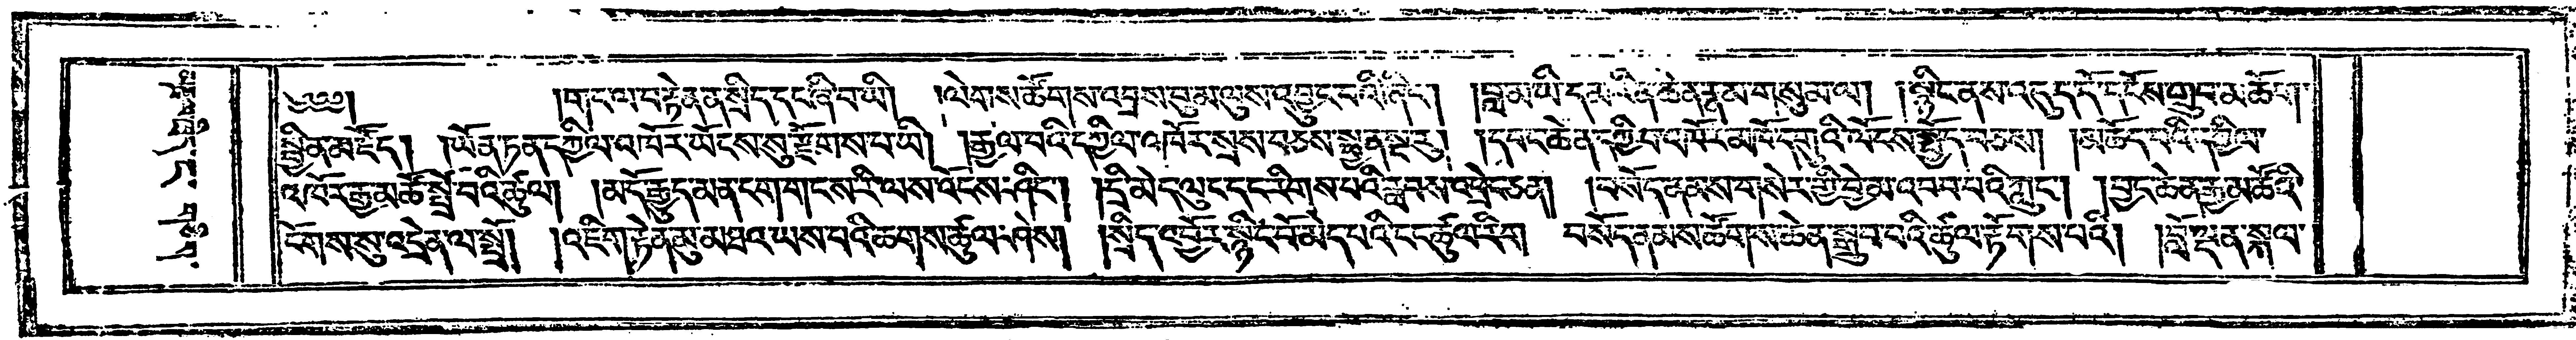༄༅༅། །གང་ལ་བརྟེན་ན་སྲིད་དང་ཞི་བ་ཡི། །ལེགས་ཚོགས་འབྲས་བུ་མ་ལུས་འབྱུང་བའི་ཞིང་། །བླ་མ་ཡི་དམ་རིན་ཆེན་རྣམ་གསུམ་ལ། །སྙིང་ནས་འདུད་དོ་དངོས་གྲུབ་མཆོག་
སྦྱིན་མཛོད། །ཡོན་ཏན་དཀྱིལ་འཁོར་ཡོངས་སུ་རྫོགས་པ་ཡི། །རྒྱལ་བའི་དཀྱིལ་འཁོར་སྲས་བཅས་སྤྱན་སྔ་རུ། །དབང་ཆེན་དཀྱིལ་འཁོར་མཁོ་དགུའི་ལོངས་སྤྱོད་བཅས། །མཆོད་པའི་དཀྱིལ་
འཁོར་རྒྱ་མཚོ་སྤྲོ་བའི་ཚུལ། །མདོ་རྒྱུད་མན་ངག་གངས་རི་ལས་འོངས་ཤིང་། །དྲི་?་ལུང་དང་རིགས་པའི་རླབས་འཕྲེང་ཅན། །བསོད་ནམས་གསེར་གྱི་བྱེ་མ་འབབ་པའི་ཀླུང་། །བྱང་ཆེན་རྒྱ་མཚོའི་
ངོགས་སུ་འདྲེན་ལ་སྤྲོ། །འཇིག་རྟེན་མུ་མཐའ་ཡས་པའི་ཆགས་ཚུལ་ཤེས། །སྲིད་འབྱོར་སྙིང་པོ་མེད་པའི་ངང་ཚུལ་རིག །བསོད་ནམས་ཚོགས་ཆེན་སྒྲུབ་པའི་ཚུལ་རྟོགས་པའི། །བློ་ལྡན་སྐལ་